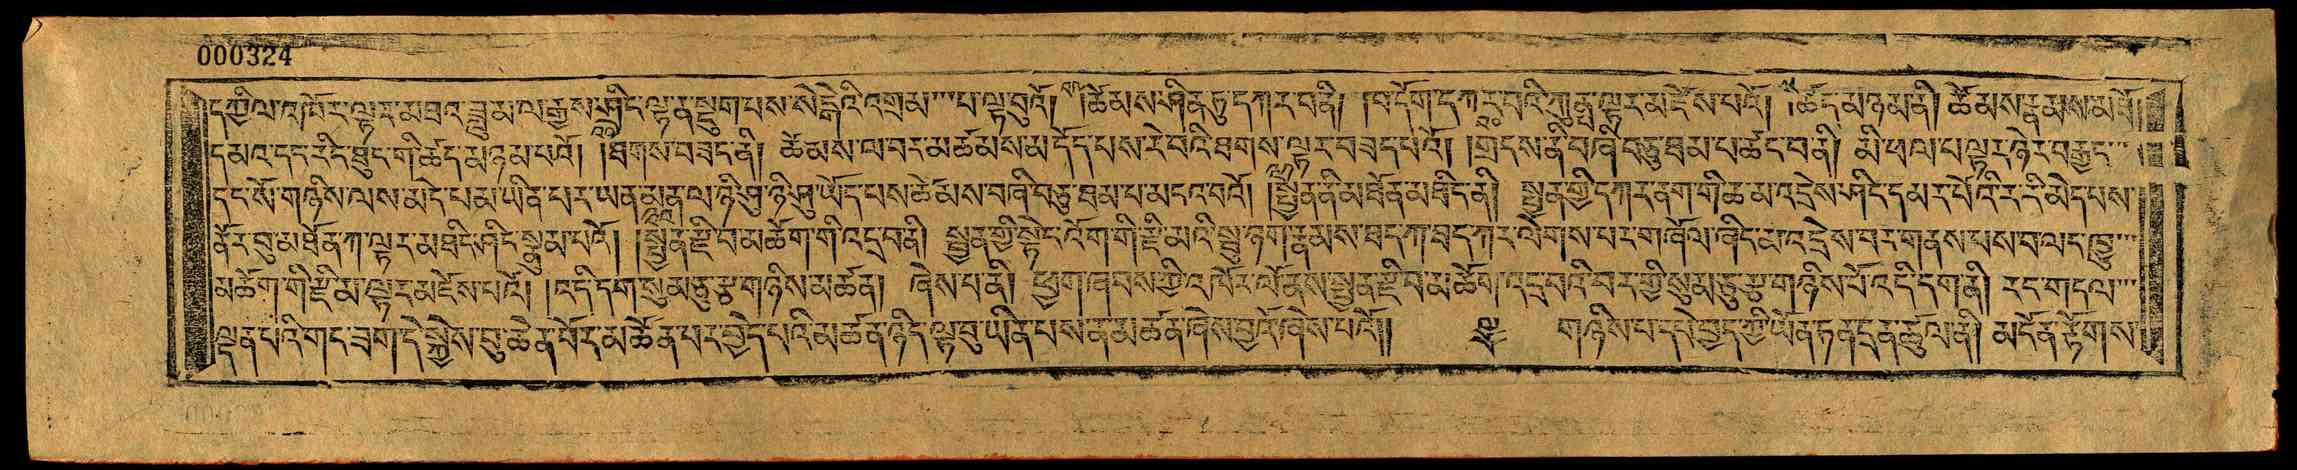དཀྱིལ་འཁོར་ལྟར་མཐའ་ཟླུམ་ལ་རྒྱས་ཤིང་ལྟ་ན་སྡུག་པས་སེངྒེའི་འགྲམས་པ་ལྟ་བུའོ། །༢༩་ཚེམས་ཤིན་ཏུ་དཀར་བ་ནི། ཁ་དོག་དཀར་བའི་ཀུནྡ་ལྟར་མཛེས་པའོ། །༢༨་ཚད་མཉམ་ནི། ཚེམས་རྣམས་མཐོ་
དམའ་དང་རིང་ཐུང་གི་ཚད་མཉམ་པའོ། །༢༧་ཐགས་བཟང་ནི། ཚེམས་ལ་བར་མཚམས་མ་དོད་པས་རེ་བའི་ཐགས་ལྟར་བཟང་པའོ། །༣༠་གྲངས་ནི་བཞི་བཅུ་ཐམ་པ་ཚང་བ་ནི། མི་ཕལ་པ་ལྟར་ཉེར་བརྒྱད་
དང་སོ་གཉིས་ལས་མེད་པ་མ་ཡིན་པར་ཡན་མན་ལ་ཉི་ཤུ་ཉི་ཤུ་ཡོད་པས་ཚེམས་བཞི་བཅུ་ཐམ་པ་མངའ་བའོ། །༣༡་སྤྱན་ནི་མཐོན་མཐིང་ནི། སྤྱན་གྱི་དཀར་ནག་གི་ཆ་མ་འདྲེས་ཤིང་དམར་པོའི་རི་རི་མེད་པས་
ནོར་བུ་མཐོན་ཀ་ལྟར་མཐིང་ཞིང་སྣམ་པའོ། །༣༢་སྤྱན་རྫི་བ་མཆོག་གི་འདྲ་བ་ནི། སྤྱན་གྱི་སྟེང་འོག་གི་རྫི་མའི་སྤུ་ཉག་རྣམས་ཐད་ཀ་ཐད་ཀར་ལེགས་པར་གཞོལ་ཞིང་མ་འདྲེས་པར་གནས་པས་བ་ལང་ཁྱུ་
མཆོག་གི་རྫི་མ་ལྟར་མཛེས་པའོ། །འདི་དག་སུམ་ཅུ་རྩ་གཉིས་མཚན། ཞེས་པ་ནི། ཕྱག་ཞབས་ཀྱི་འཁོར་ལོ་ནས་སྤྱན་རྫིབ་མཆོག་འདྲ་བའི་བར་གྱི་སུམ་ཅུ་རྩ་གཉིས་པོ་འདི་དག་ནི། རང་གང་ལ་
ལྡན་པའི་གང་ཟག་དེ་སྐྱེས་བུ་ཆེན་པོར་མཚོན་པར་བྱེད་པའི་མཚན་ཉིད་ལྟ་བུ་ཡིན་པས་ན་མཚན་ཞེས་བྱའོ་ཞེས་པའོ།། ༈ གཉིས་པ་དཔེ་བྱད་ཀྱི་ཡོན་ཏན་དྲན་ཚུལ་ནི། མངོན་རྟོགས་